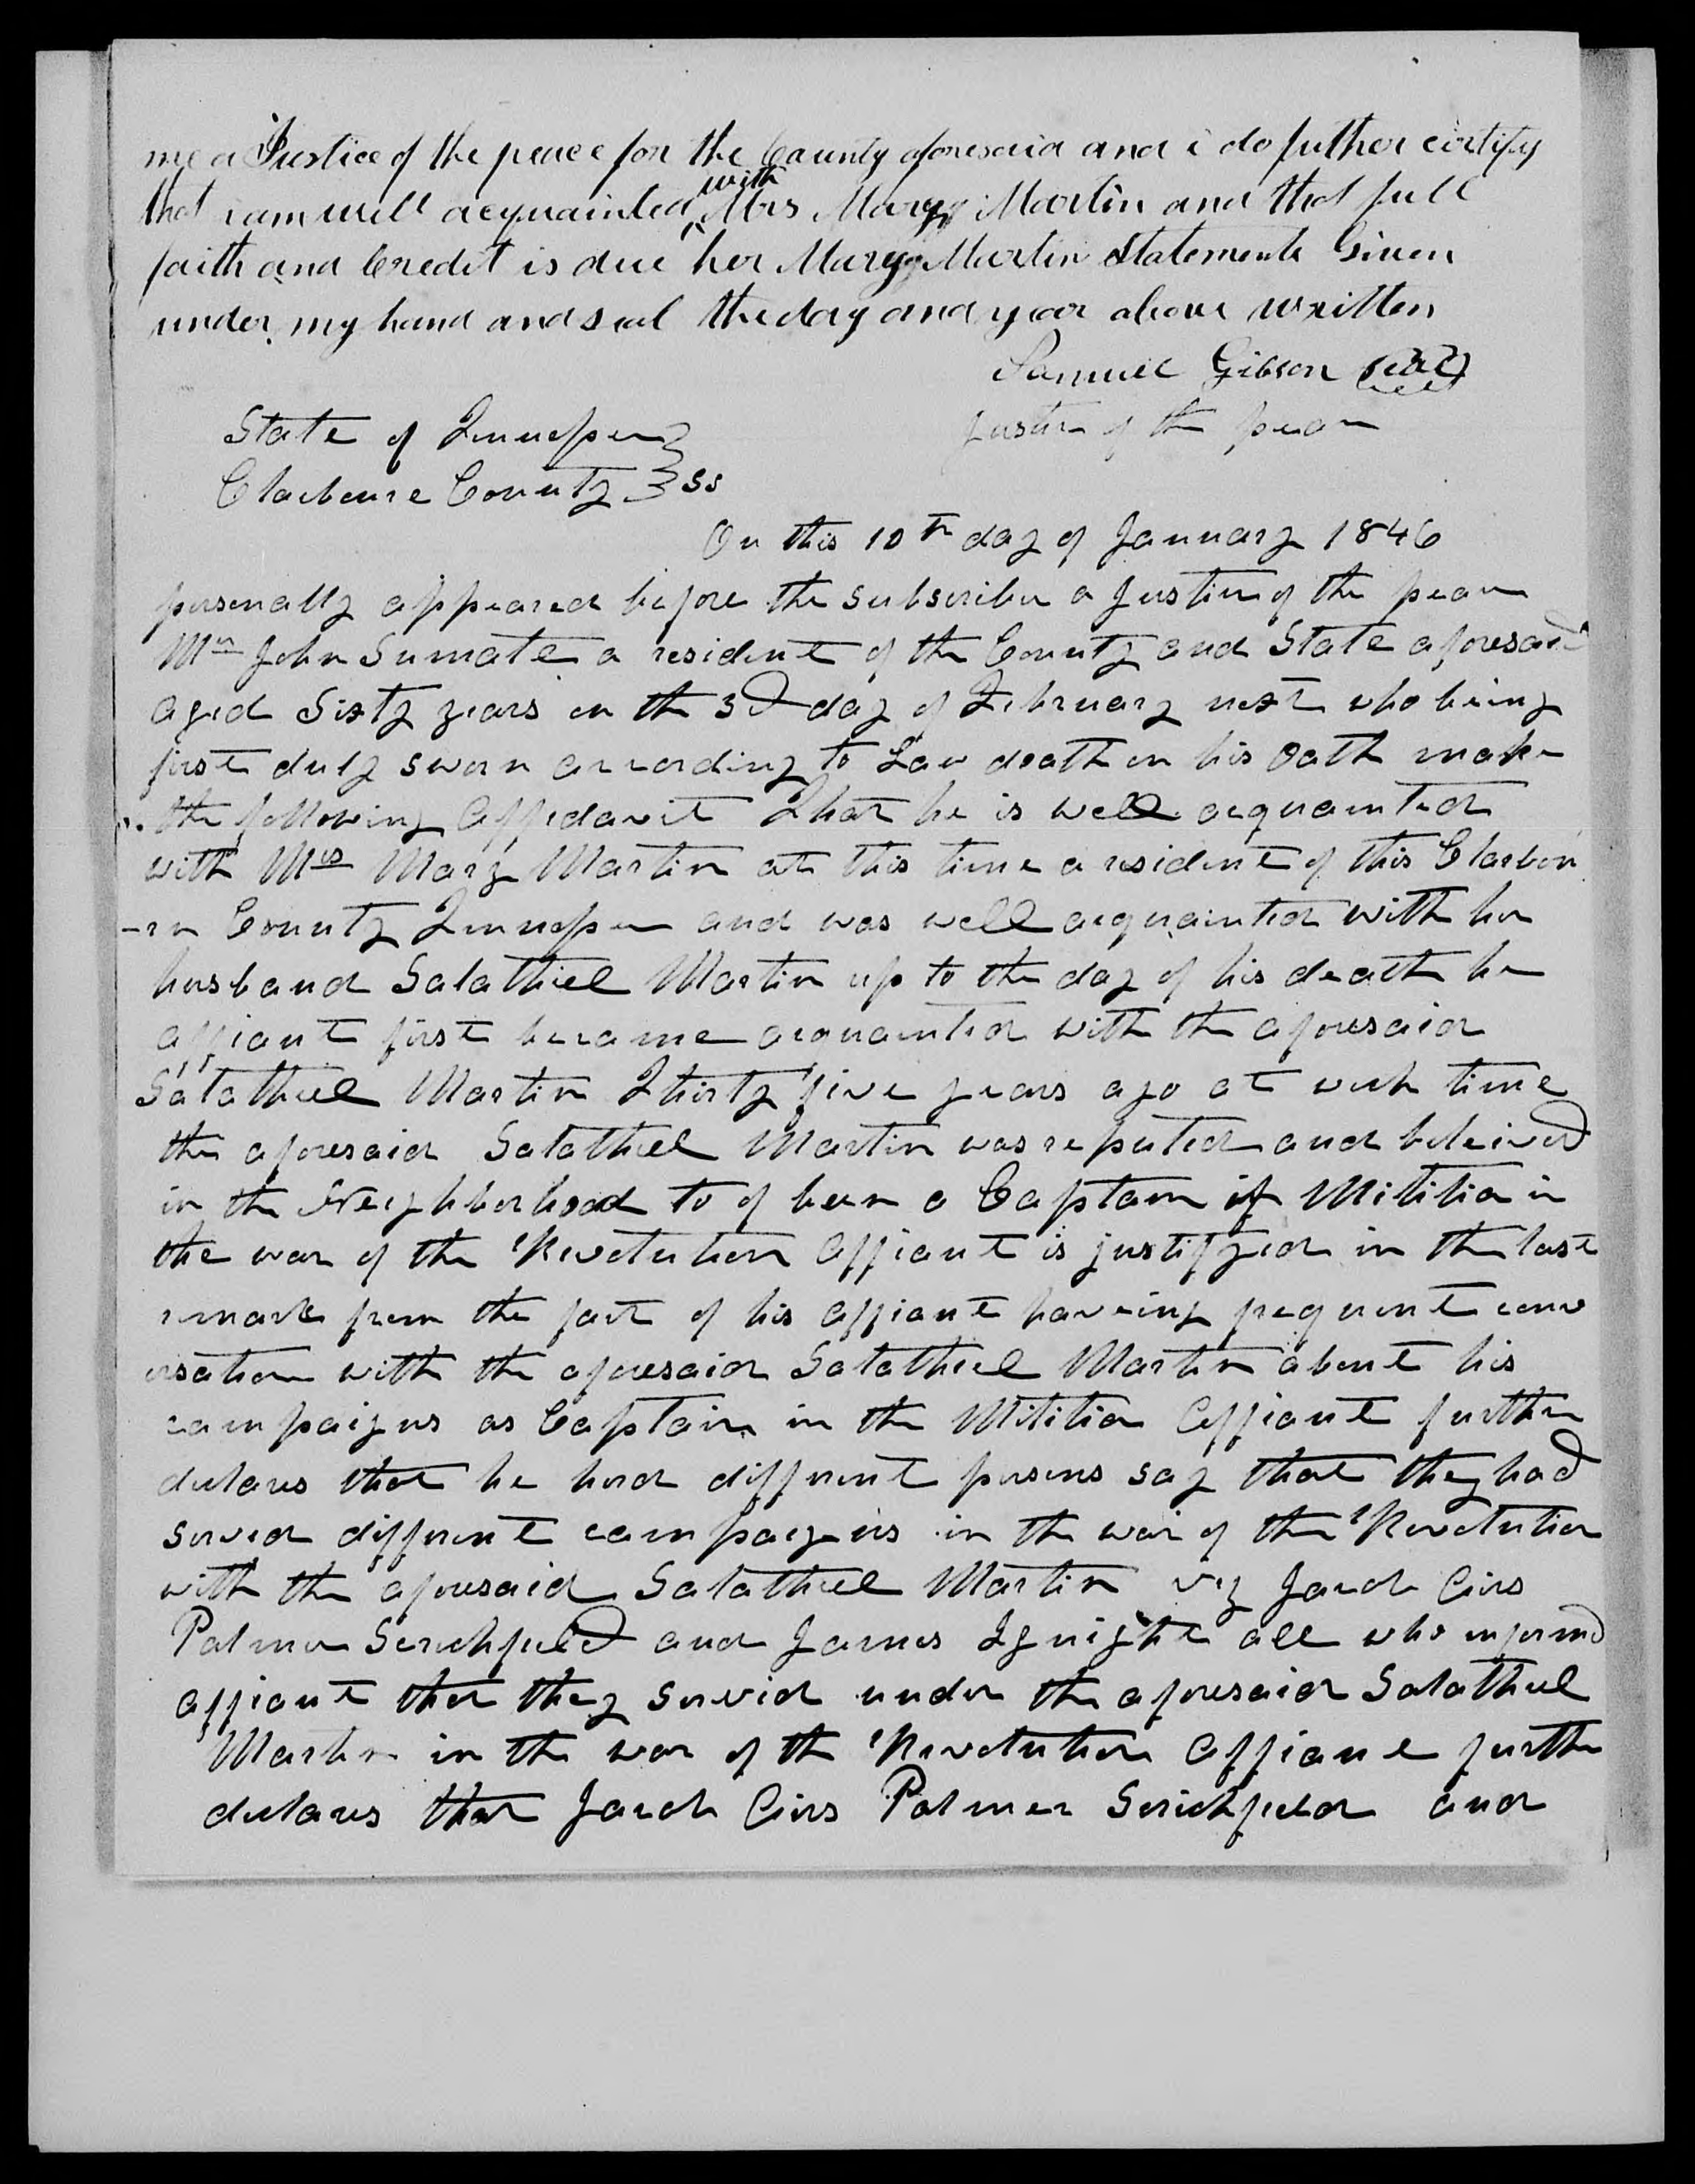me a Justice of the peace for the county aforesaid and i {[] do further certify
that i [I] am well acquainted with Mrs Mary Martin and that full
faith and credit is due her Mary Martin Statement Given
under my hand and seal the day and year above written
Sanuel Gibson (seal)
Justice of the peace

State of Tennessee )
Claiborne County   )ss
On this 10th day of January 1846
personally appeared before the subscriber a Justice of the peace
Mr John Sumate a resident of the County and State aforesaid
aged Sixty years on the 3d day of February next who being
first duly sworn according to Law doath [doth] on his oath make
the following Affidavit That he is well acquainted 
with Mrs Mary Martin at this time a resident of this Claibon [Claiborne]
County Tennessee and was well acquainted with her
husband Salathiel Martin up to the day of his death he
affiant first became acquainted with the aforesaid
Salathiel Martin Thirty five years ago at wich [which] time
the aforesaid Salathial Martin was reputed and believed
in the Neighborhood to of been a Captain of Militia in
the war of the Revolution Affiant is justified in the last
remark from the fact of his affiant having frequent conv
ersation with the aforesaid Salathiel Martin about his
campaigns as Captain in the Militia Affiant further
declares that he had different persons say that they had
served different campaigns in the war of the Revolution
with the aforesaid Salathiel Martin [illegible] Jacob Cirs
Palmer Serichfield and James Ignight all who informed
Affiant that they served under the aforesaid Salathiel
Martin in the war of the Revolution Affiant further
declares that Jacob Cirs Palmer Serichfield and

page: 109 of 120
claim: widow's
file: W. 1044, for Salathiel Martin, North Carolina